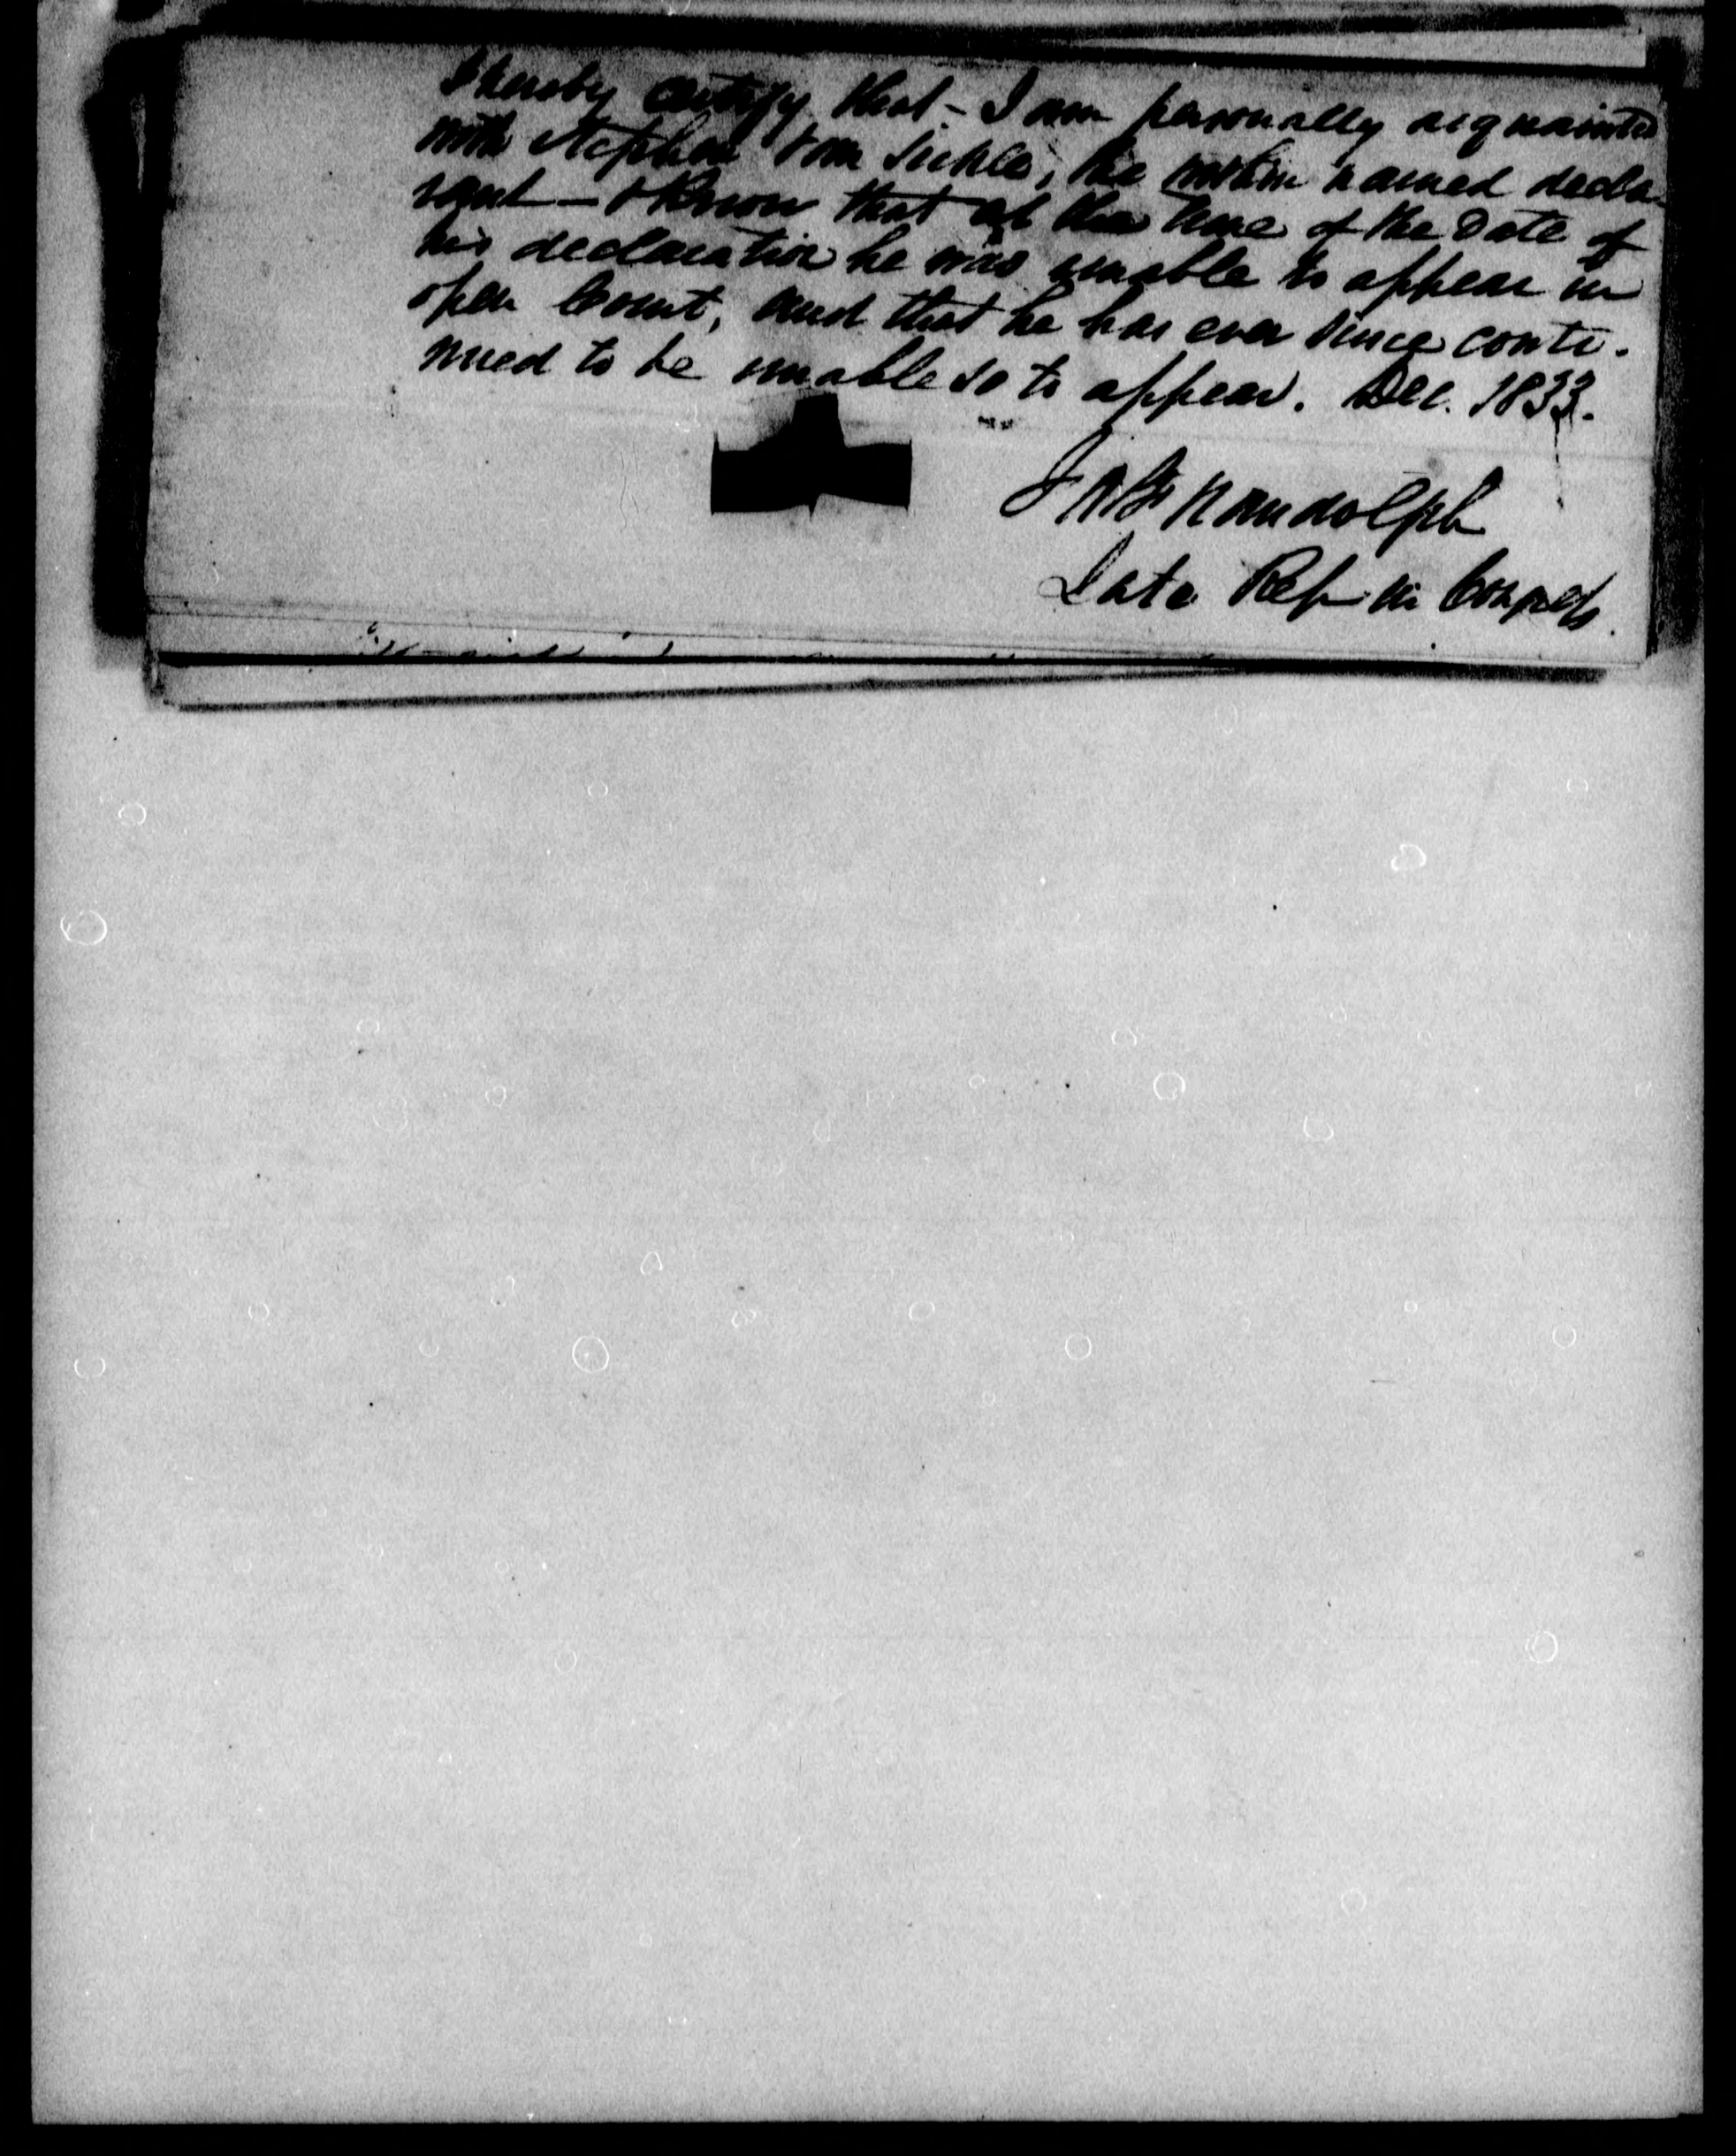am personally acquaint
ent th
suble, the within named del
in that of the one of the date of
his declaration he was unable to appear in
open Court, and that he has ever since conted
to be unable to appear. Dec. 1833
Jas F Randolph
late Rep Corey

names: Jas F Randolph, Stephen Van Sickle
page: 12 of 12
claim: survivor's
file: S. 1136, Stephen Van Sickle, New Jersey